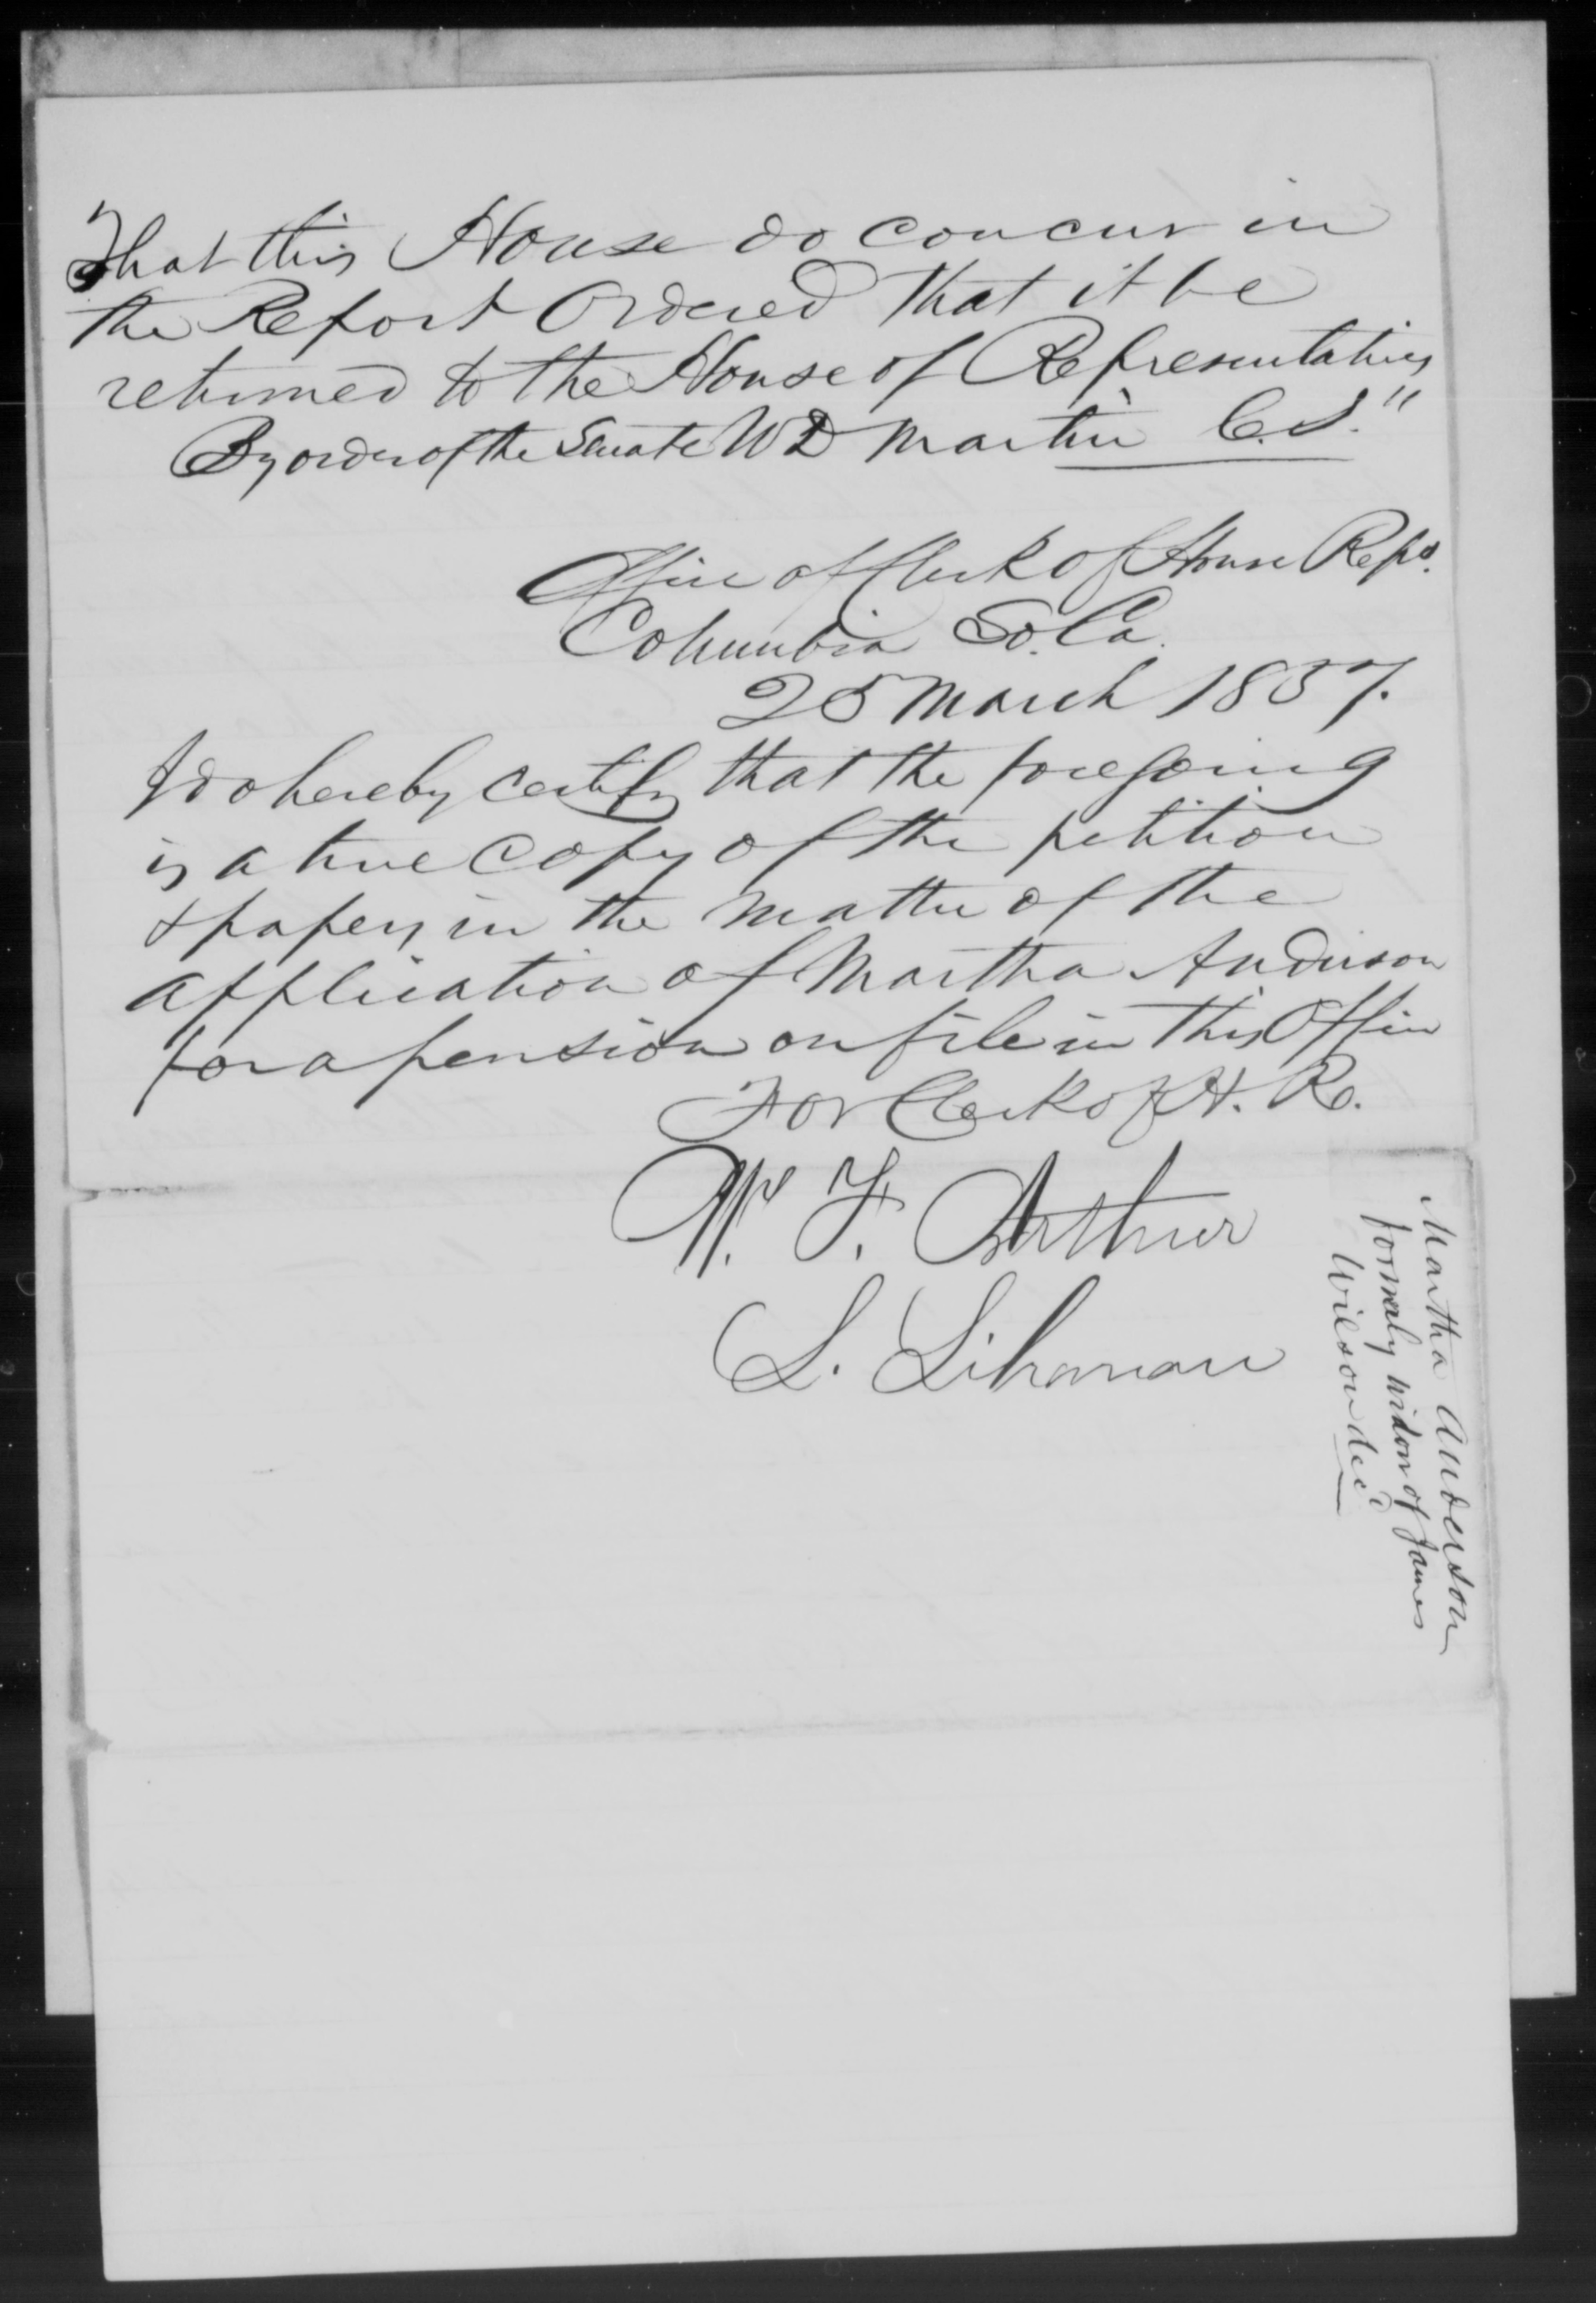That this House do concur in 
the Report Ordered that it be 
returned to the House of Representatives
By order of the Senate W D Martin C.S.

Office of Clerk of House Reps.
Columbia So. Ca.
25 March 1857.

I do hereby certify that the foregoing
is a true copy of the petition 
& papers in the matter of the 
application of Martha Anderson 
for a pension on file in this office.

For Clerk of H.R.
Wm. F. Arthur
S. Librarian

[written sideways on right margin]
Martha Anderson
formerly widow of James
Wilson decd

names: W F Arthur, Martha Anderson, L Lihanan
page: 9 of 18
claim: rejected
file: R. 195, James Wilson, S. C.